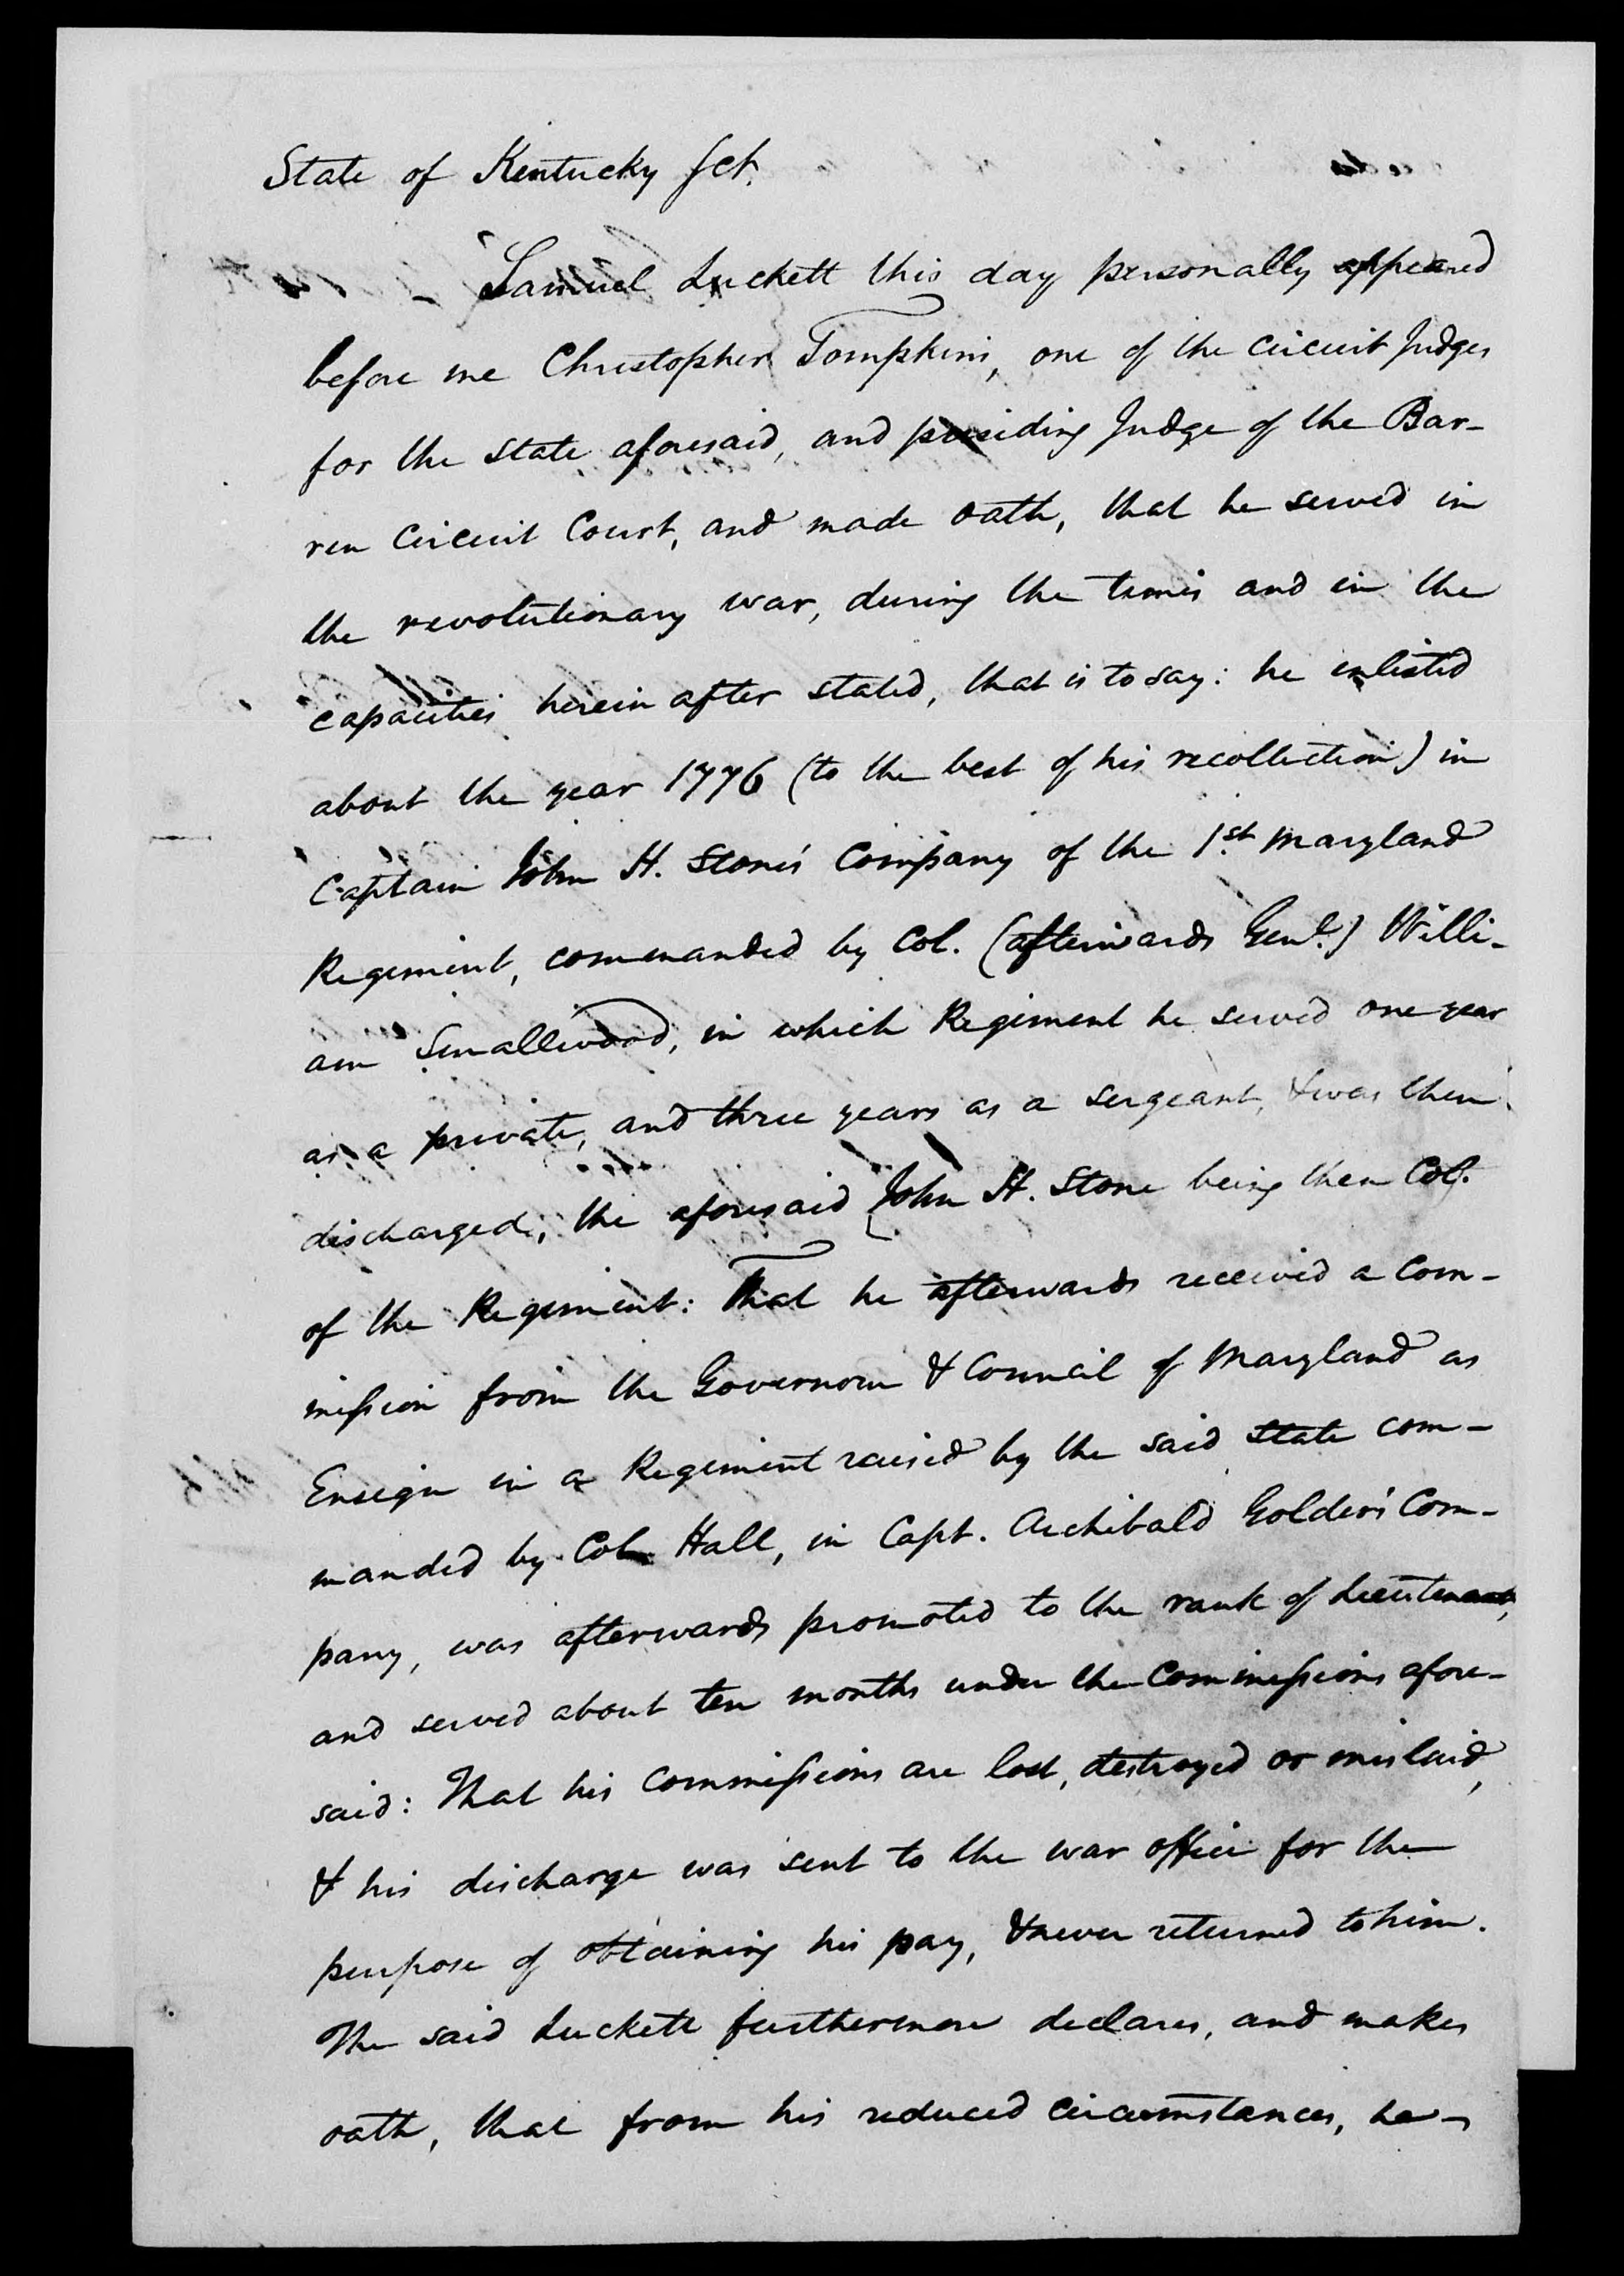State of Kentucky

Samuel Luckett this day personally appeared before me Christopher Tompkins one of the circuit judges for the state aforesaid and presiding judge of the Barren Circuit Court and made oath that he served in the revolutionary war during the times and in the capacities herein after stated that is to say; he enlisted about the year 1776 (to the best of his recollection) in Captain John H Stone's company of the 1st Maryland regiment commanded by Col, (afterwards Gen) William Smallwood in which regiment he served one year as a private and three years as a sergeant & was then discharged; the aforesaid John H Stone being then Col of the regiment; that he afterwards received a commission from the governor & council of Maryland as Ensign in a regiment raised by the said state commanded by Col Hall in Capt. Archibald Golden's company was afterwards promoted to the rank of Lieutenant and served about ten months under the commission aforesaid: that his commissions are lost, destroyed or mislaid & his discharge was sent to the war office for the purpose of obtaining his pay, & never returned to him. The said Luckett furthermore declares and makes oath that from his reduced circumstances, he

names: Christopher Tompkins; Samuel Luckett; William Smallwood; John H Stone; [BLANK] Hall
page: 8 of 34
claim: survivor's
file: S. 36,051, for Samuel Luckett, Maryland